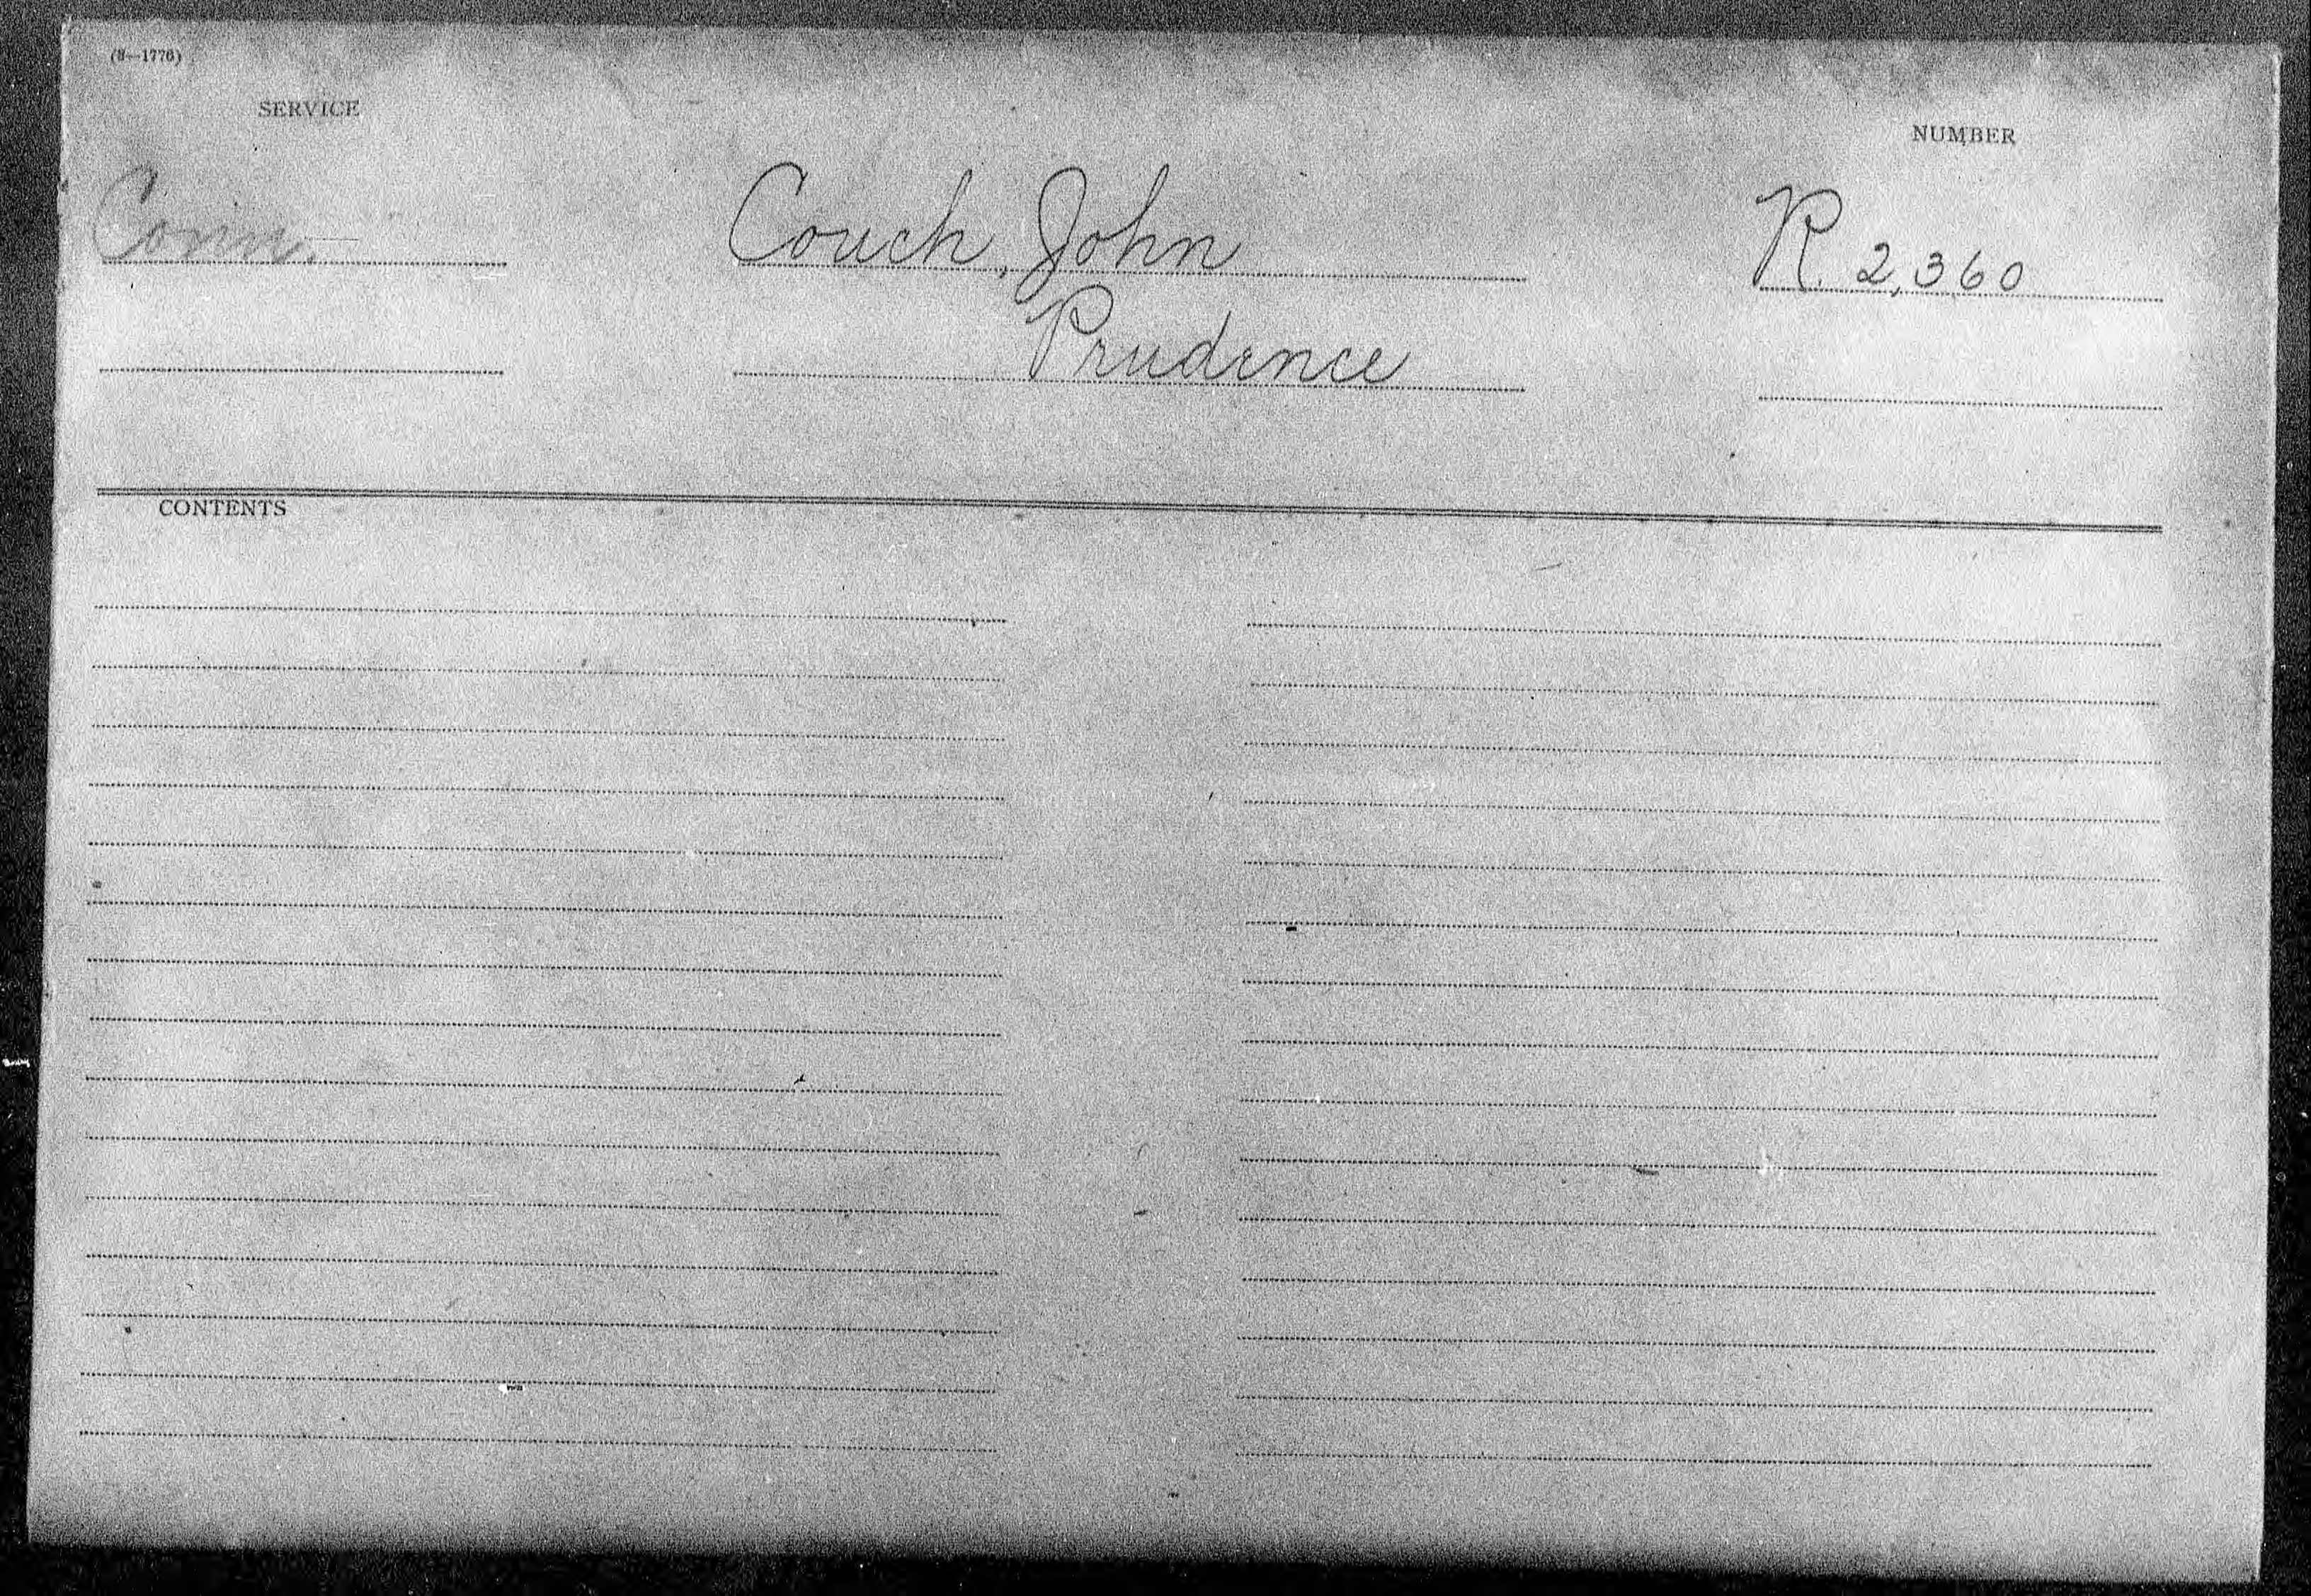Conn.     Couch, John          R. 2360
                        Prudence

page: 1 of 68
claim: rejected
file: R. 2,360, John Couch, Conn.